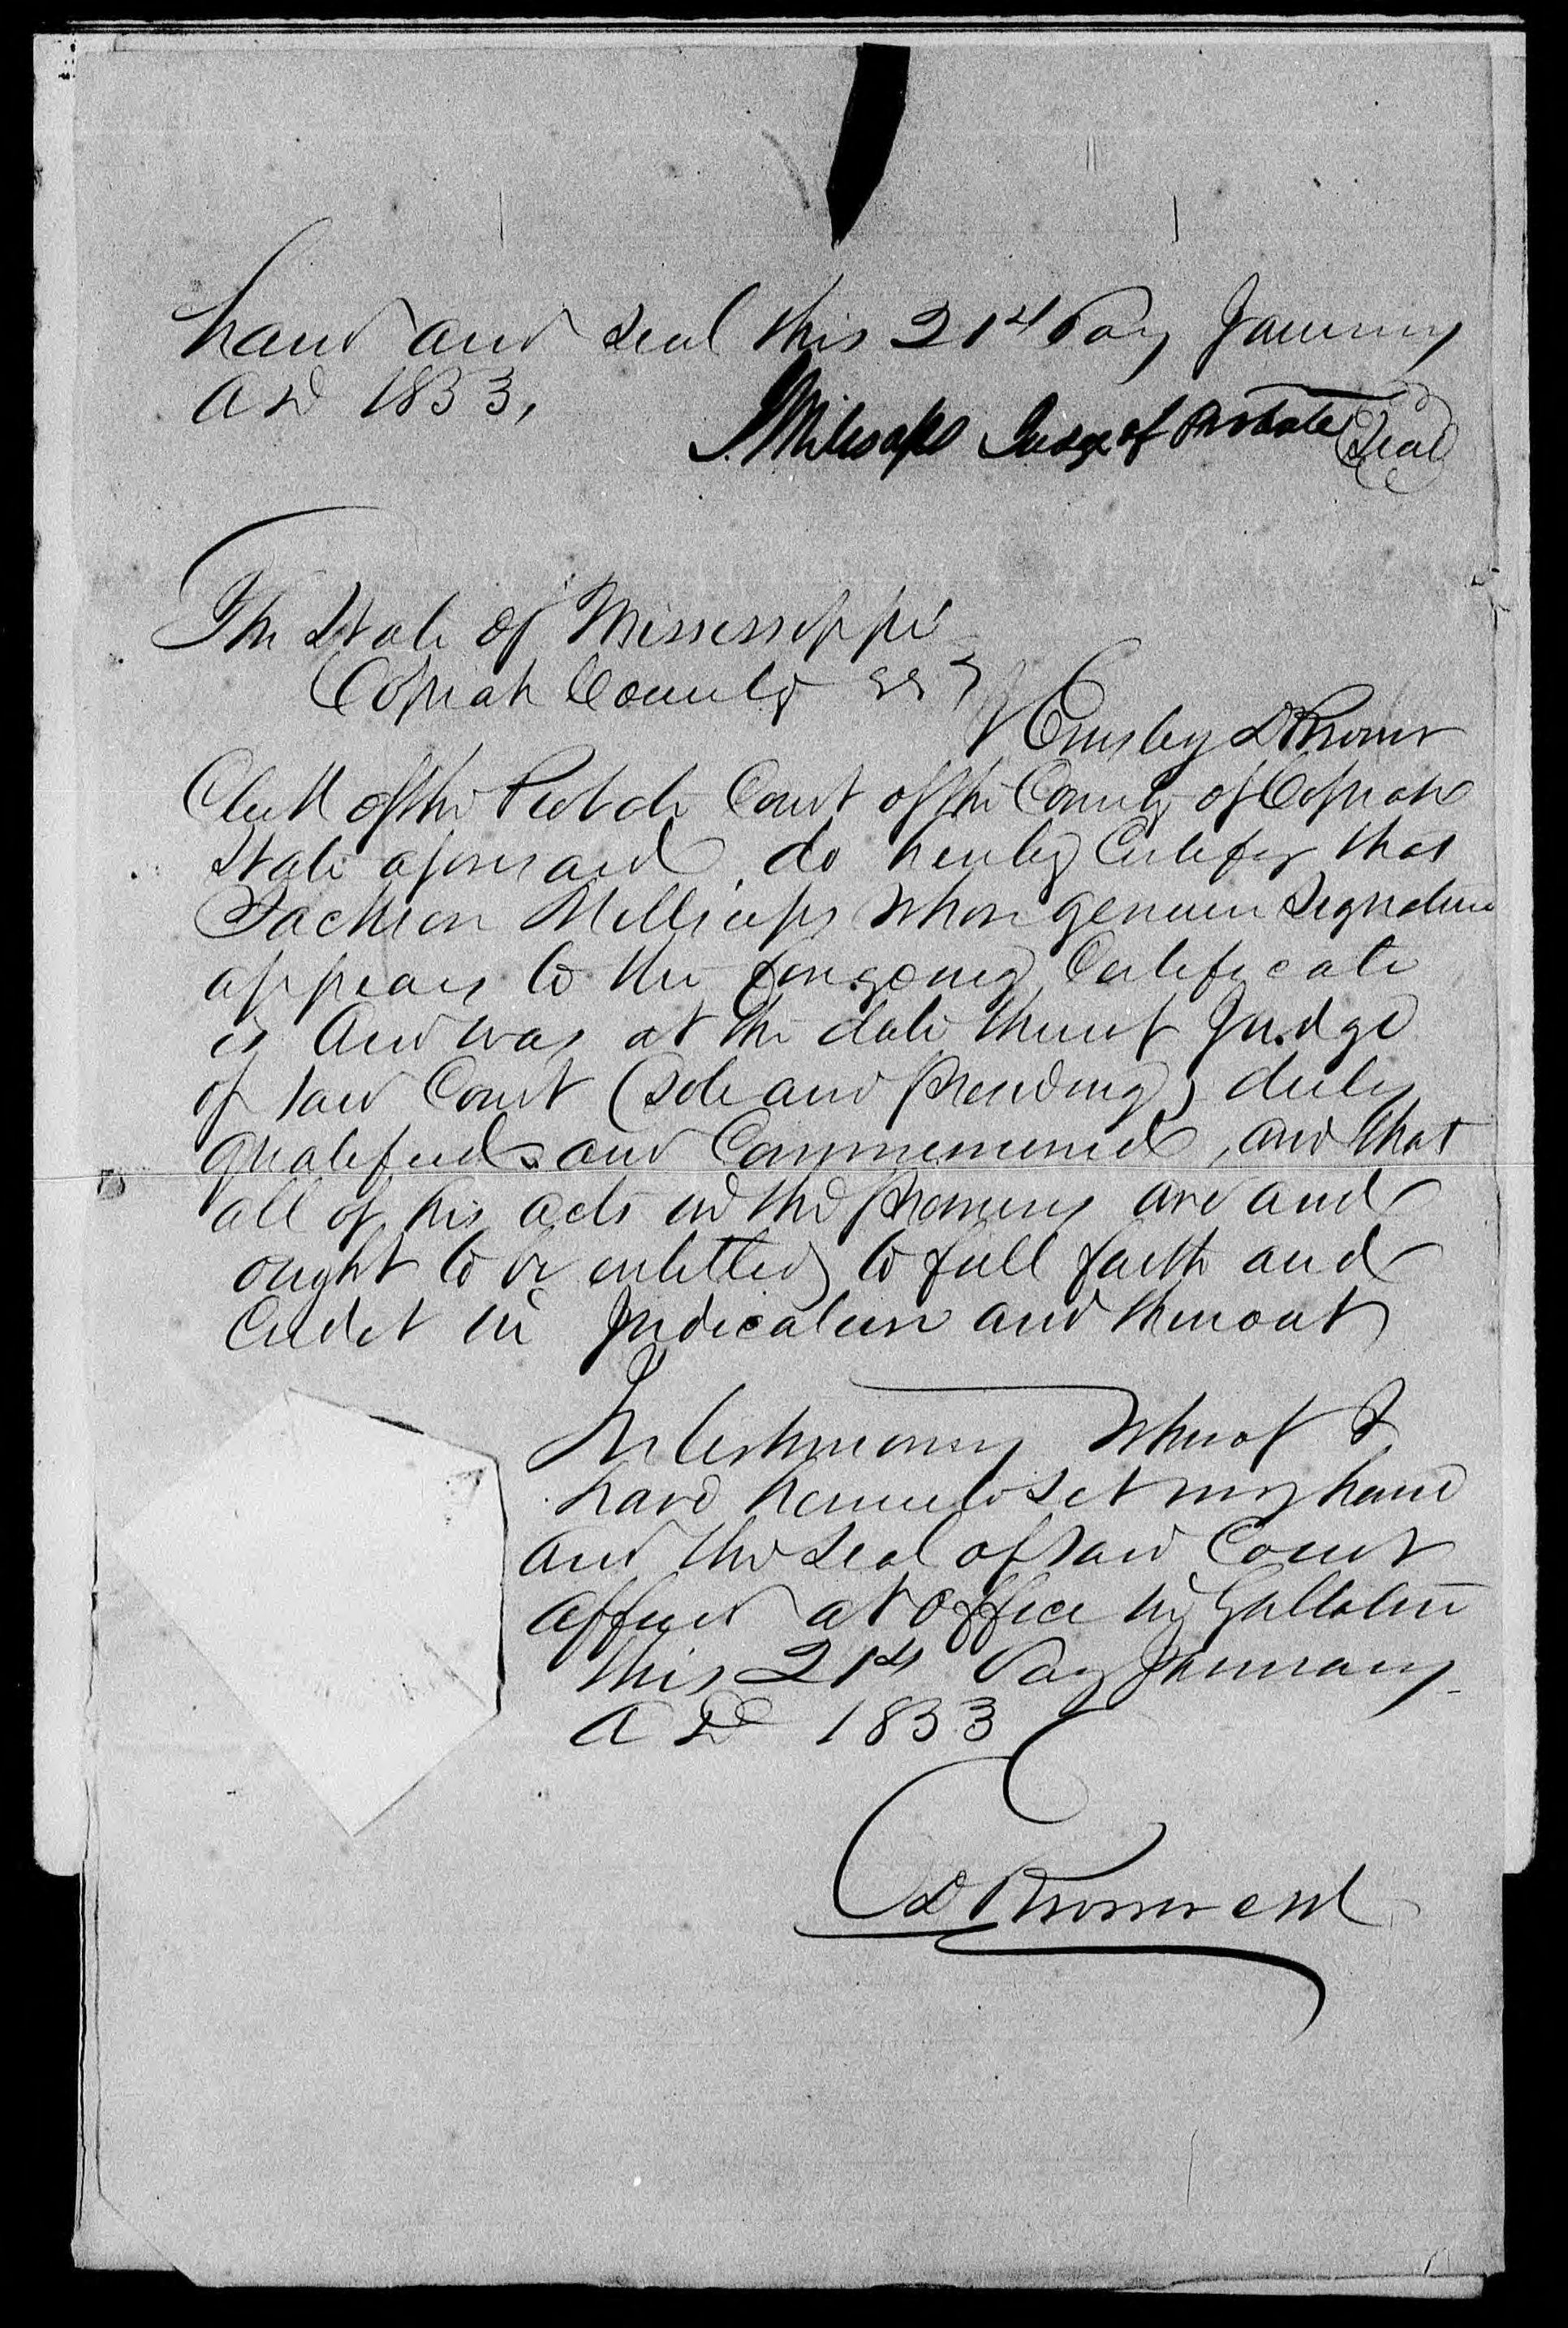hand and seal this 21 day January 
AD 1833 
J. Mills aps Judge of Probate {seal}

The State of Mississippi }
Copiah County ss }
I Emsley D Brown
Clerk of the Probate Court of the County of Copiah 
State aforesaid do hereby Certify that
Jackson Mills aps whose genuine signature 
appears to the foregoing Certificate
is and was at the date thereof Judge
of Law Court (sole and presiding) duly 
qualified and commenced, and that 
all of his acts in the premises are and 
ought to or entitled to full faith and 
Credit in Judicalun [?] and thereout
In testimony whereof I 
have here set my hand
and the seal of said Court
Officer and office by Gallatin
this 21st day January
AD 1833 
ED Brown ent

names: E D Brown, Jackson Mills, Emsley D Brown, J Miles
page: 16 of 17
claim: rejected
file: R. 3423, William Fairbanks, R.I.